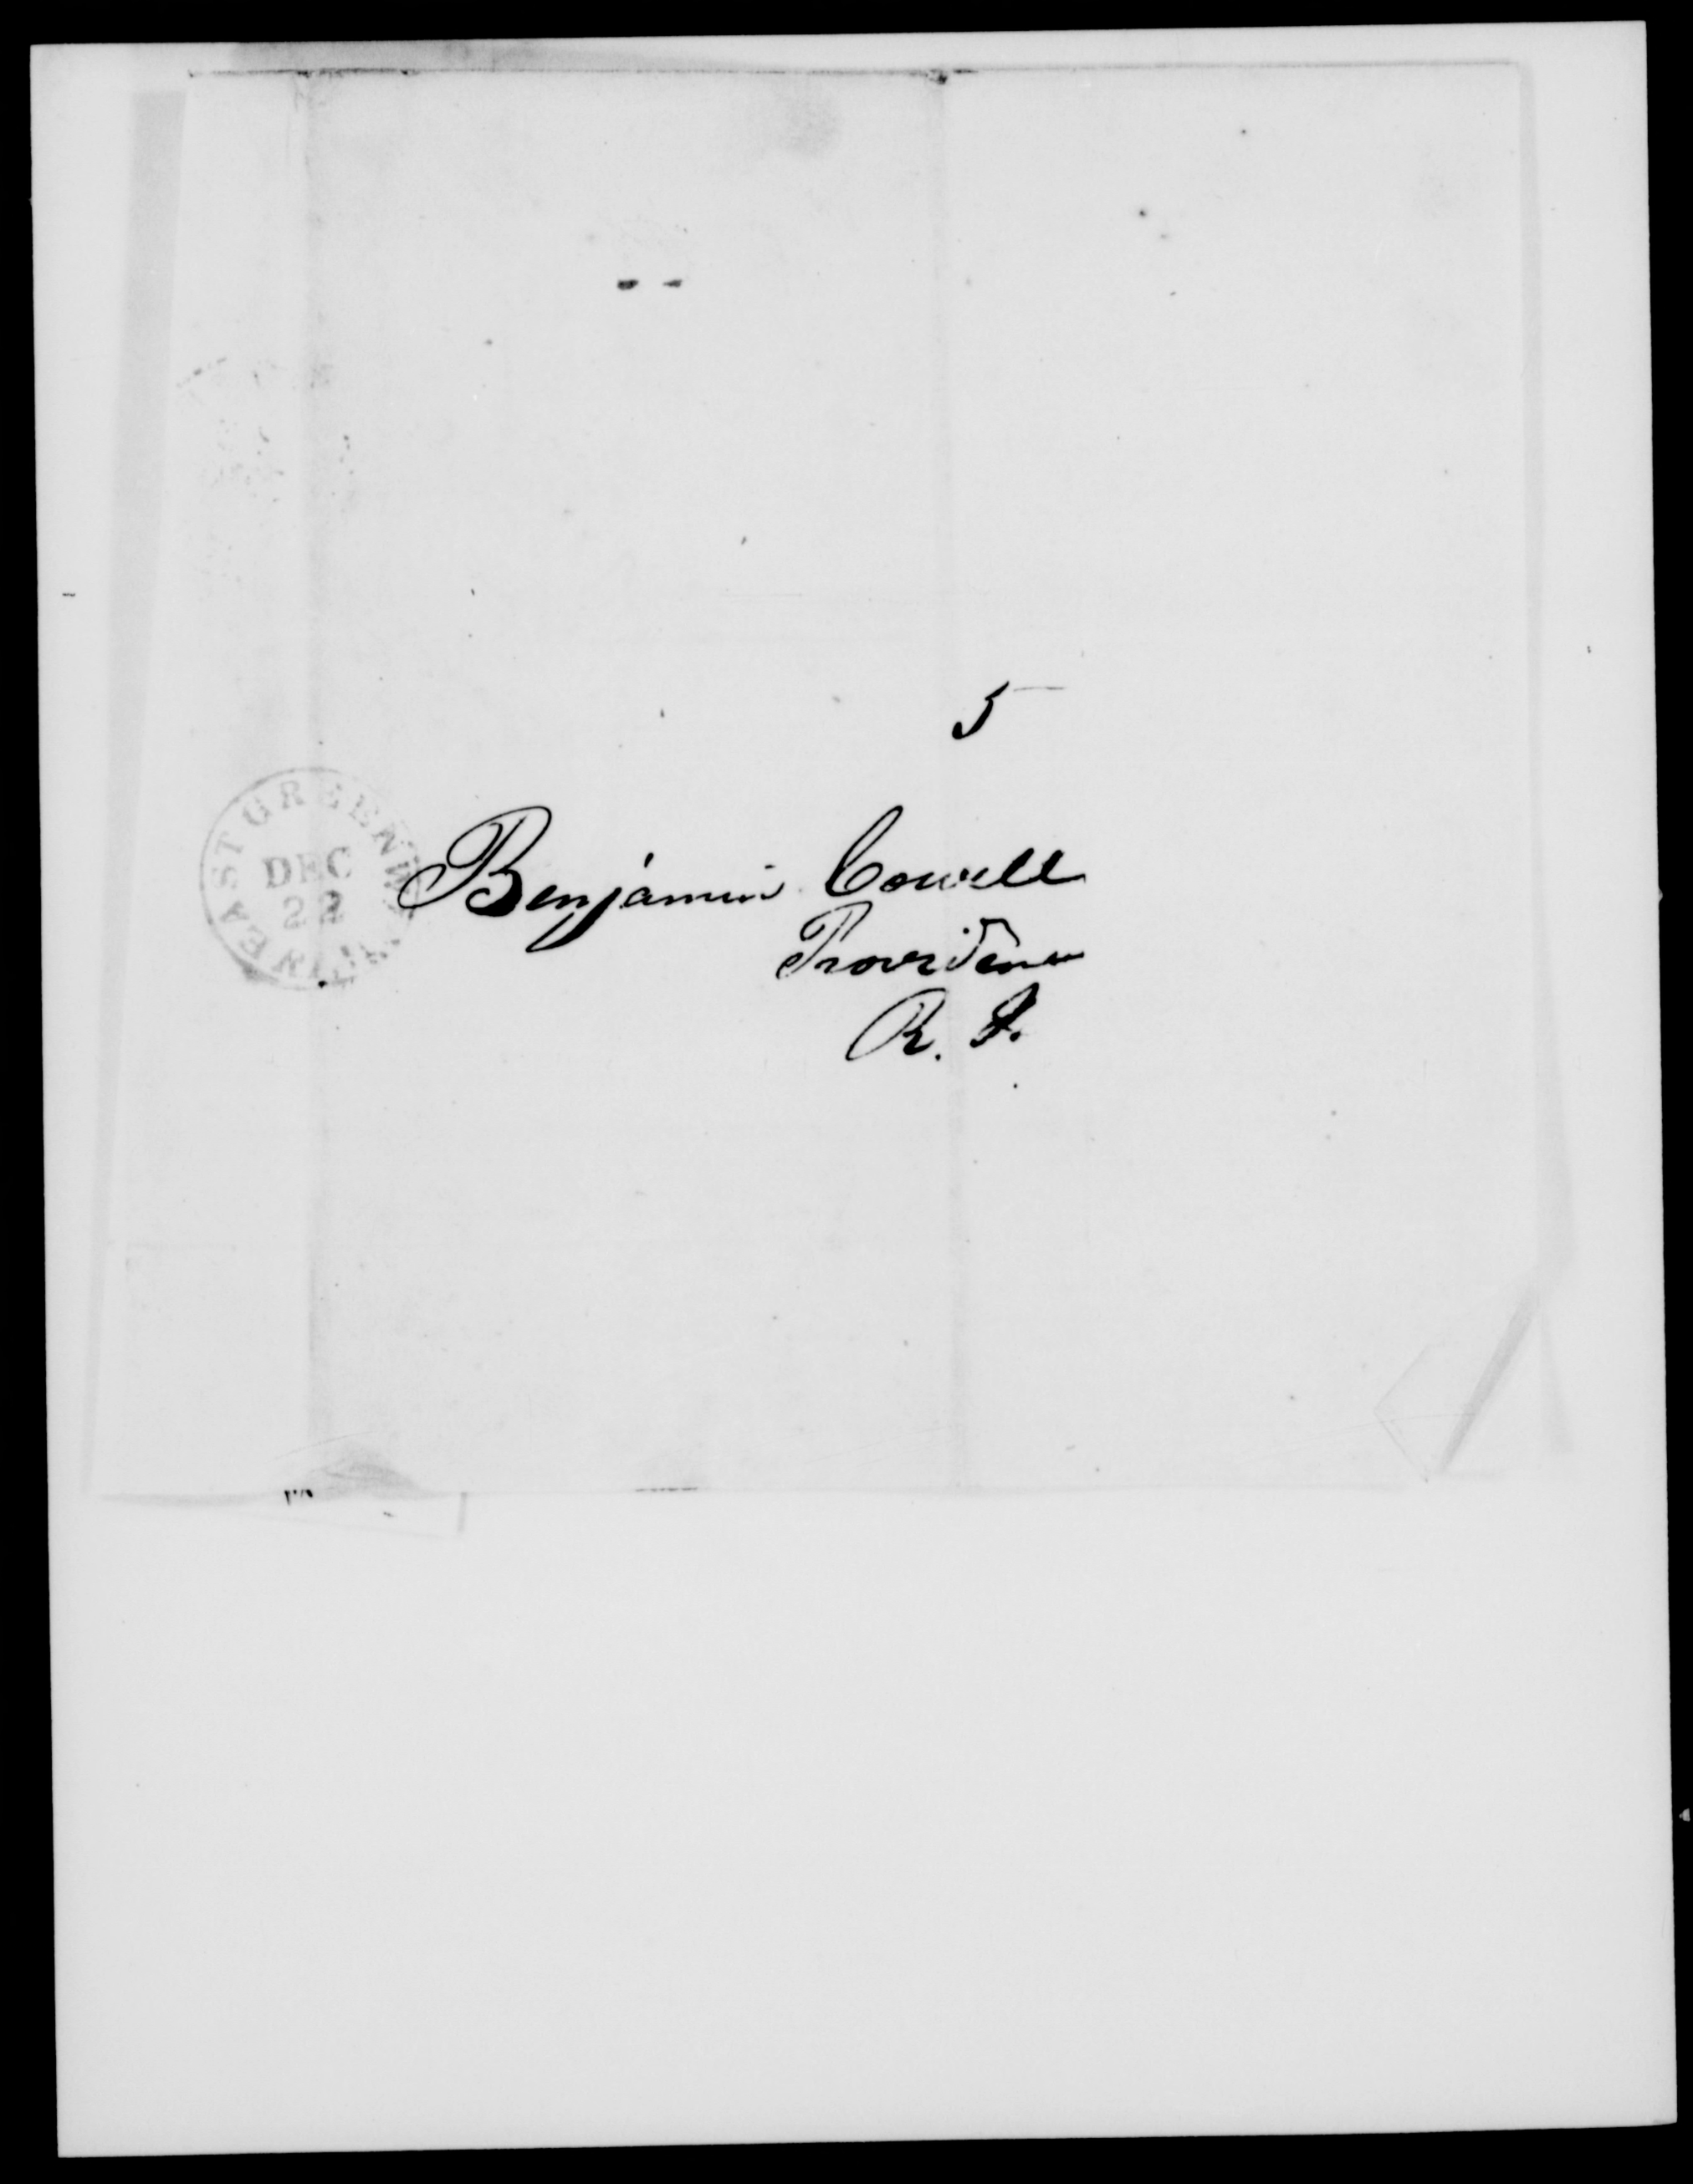[there is a number above the name]

5 [?]

Benjamin Cowell
Providence
R. I.

[there is a stamp next to the name above]

EAST GREENWICH
DEC 22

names: Benjamin Cowell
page: 38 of 53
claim: widow's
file: W 17707, Benjamin Weaver, R.I.